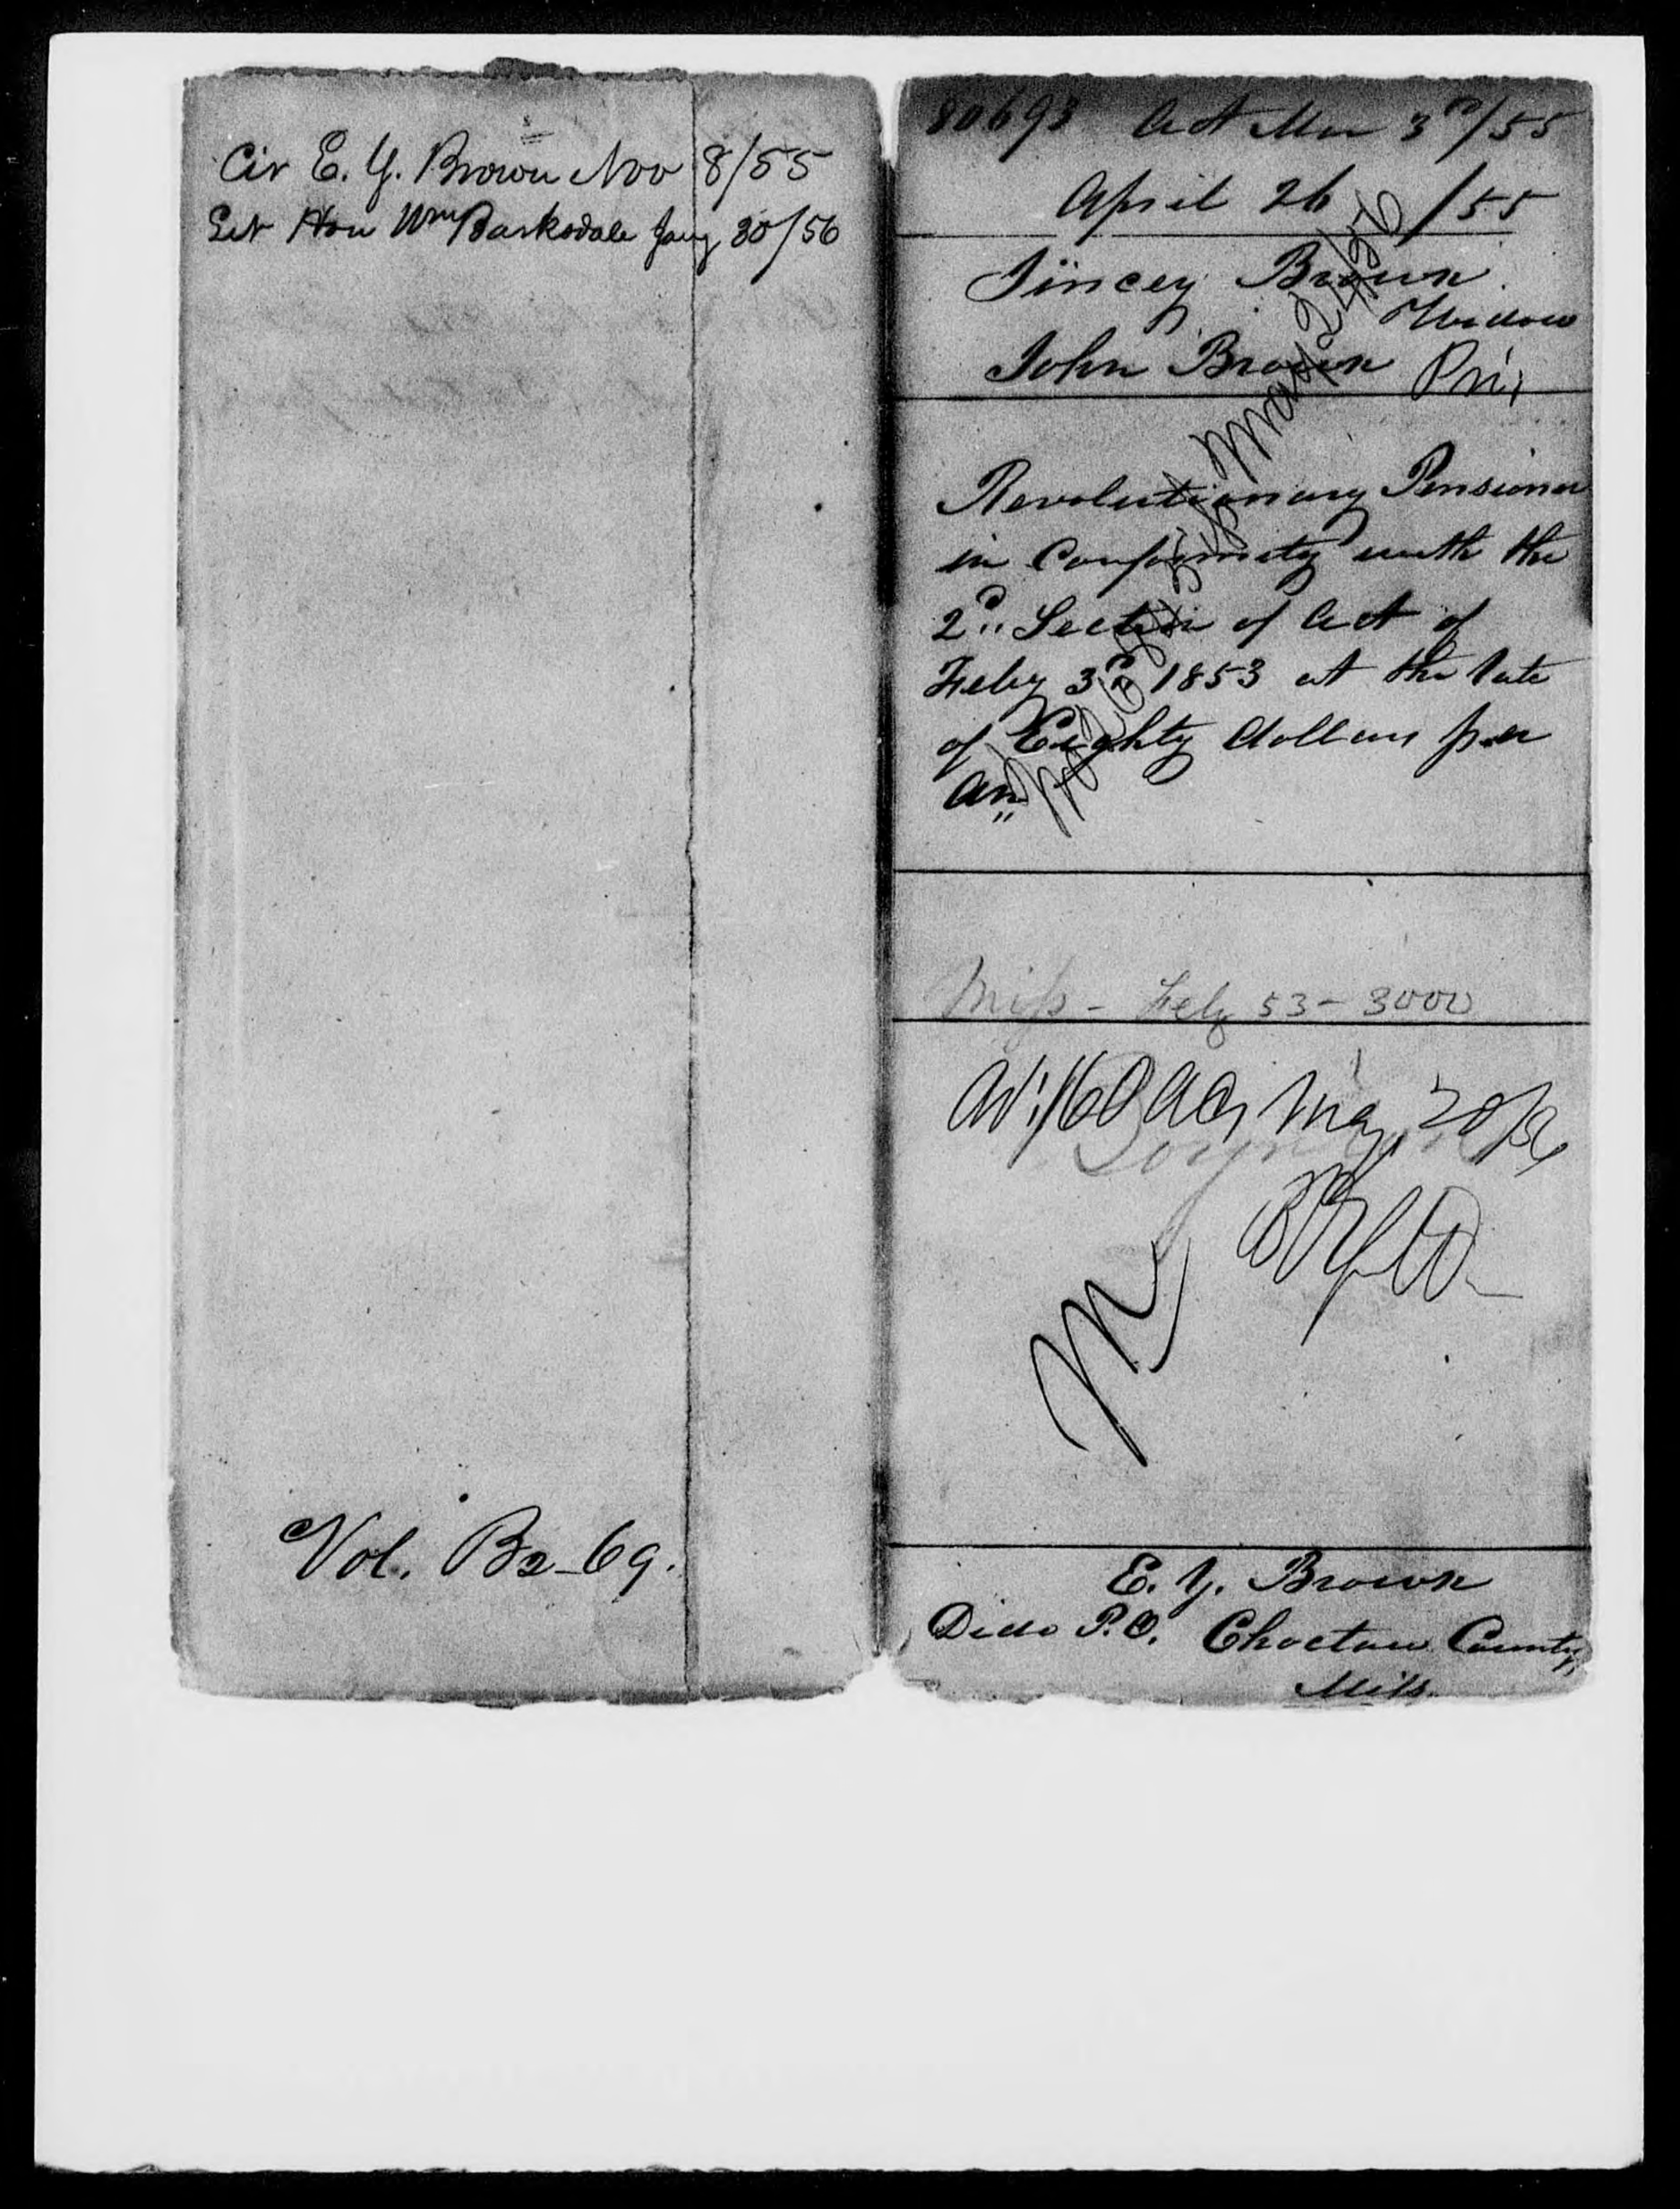Cir E.Y. Brown Nov 8/55
Let Hon Wm Barksdale Jany 30/56

Volume B2_69

80693 act Mar 3/55
April 26 /55

Jincey Brown  Widow

John Brown  Pri

Revolutionary Pensioner in conformity with the 2nd section of act of February 3rd 1853 at the rate of eighty dollars per an.

No 2684 5ys May 24/26
Miss- Feby 53-3000

W:160a 9 May, 20/56

Boyton

M

E.Y. Brown
Dido P.O. Choctaw County
Miss.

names: John Brown, Wm Barksdale, E Y Brown, E Y Brown, Jincey Brown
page: 4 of 85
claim: widow's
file: W. 5,906, John Brown, S.C.